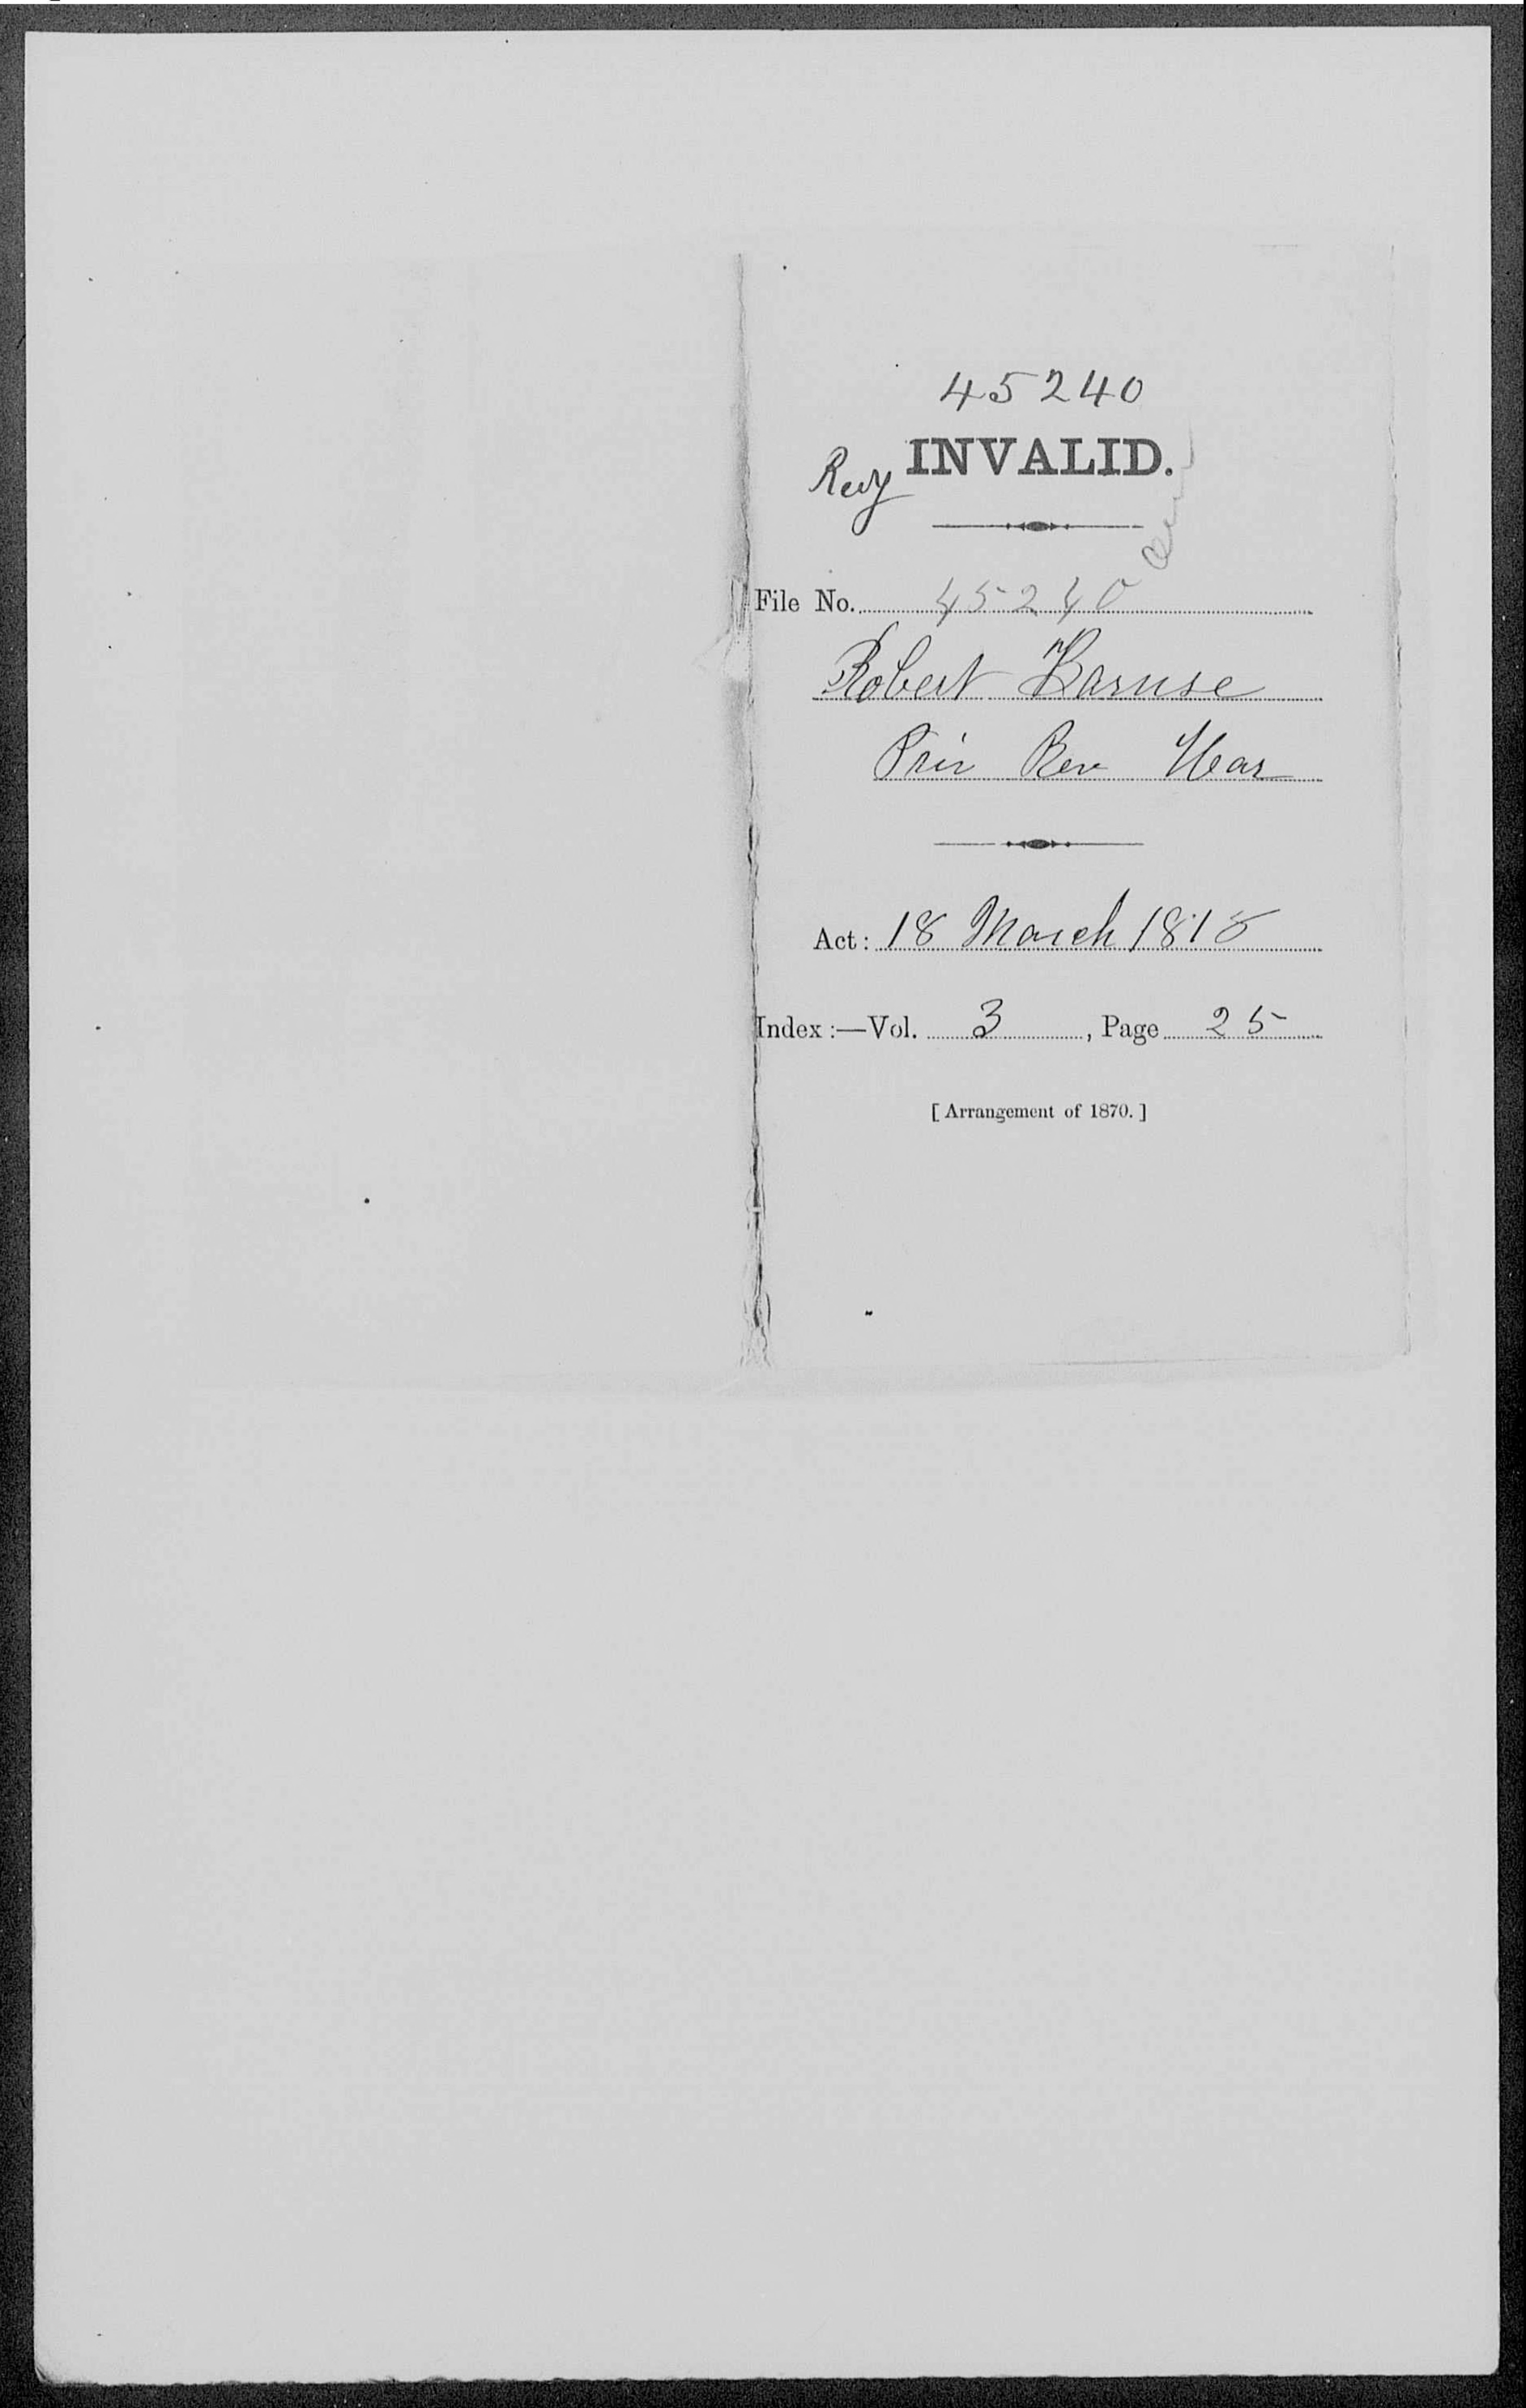45240
Rev INVALID
File No. 45240
Robert Barnse
Priv Rev War

Act: 18 March 1818
Index:-Col. 3, Page 25

{Arrangement of 1870}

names: Robert Barnse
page: 9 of 9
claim: survivor's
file: S. 45240, Robert Barnse, Continental Penn.